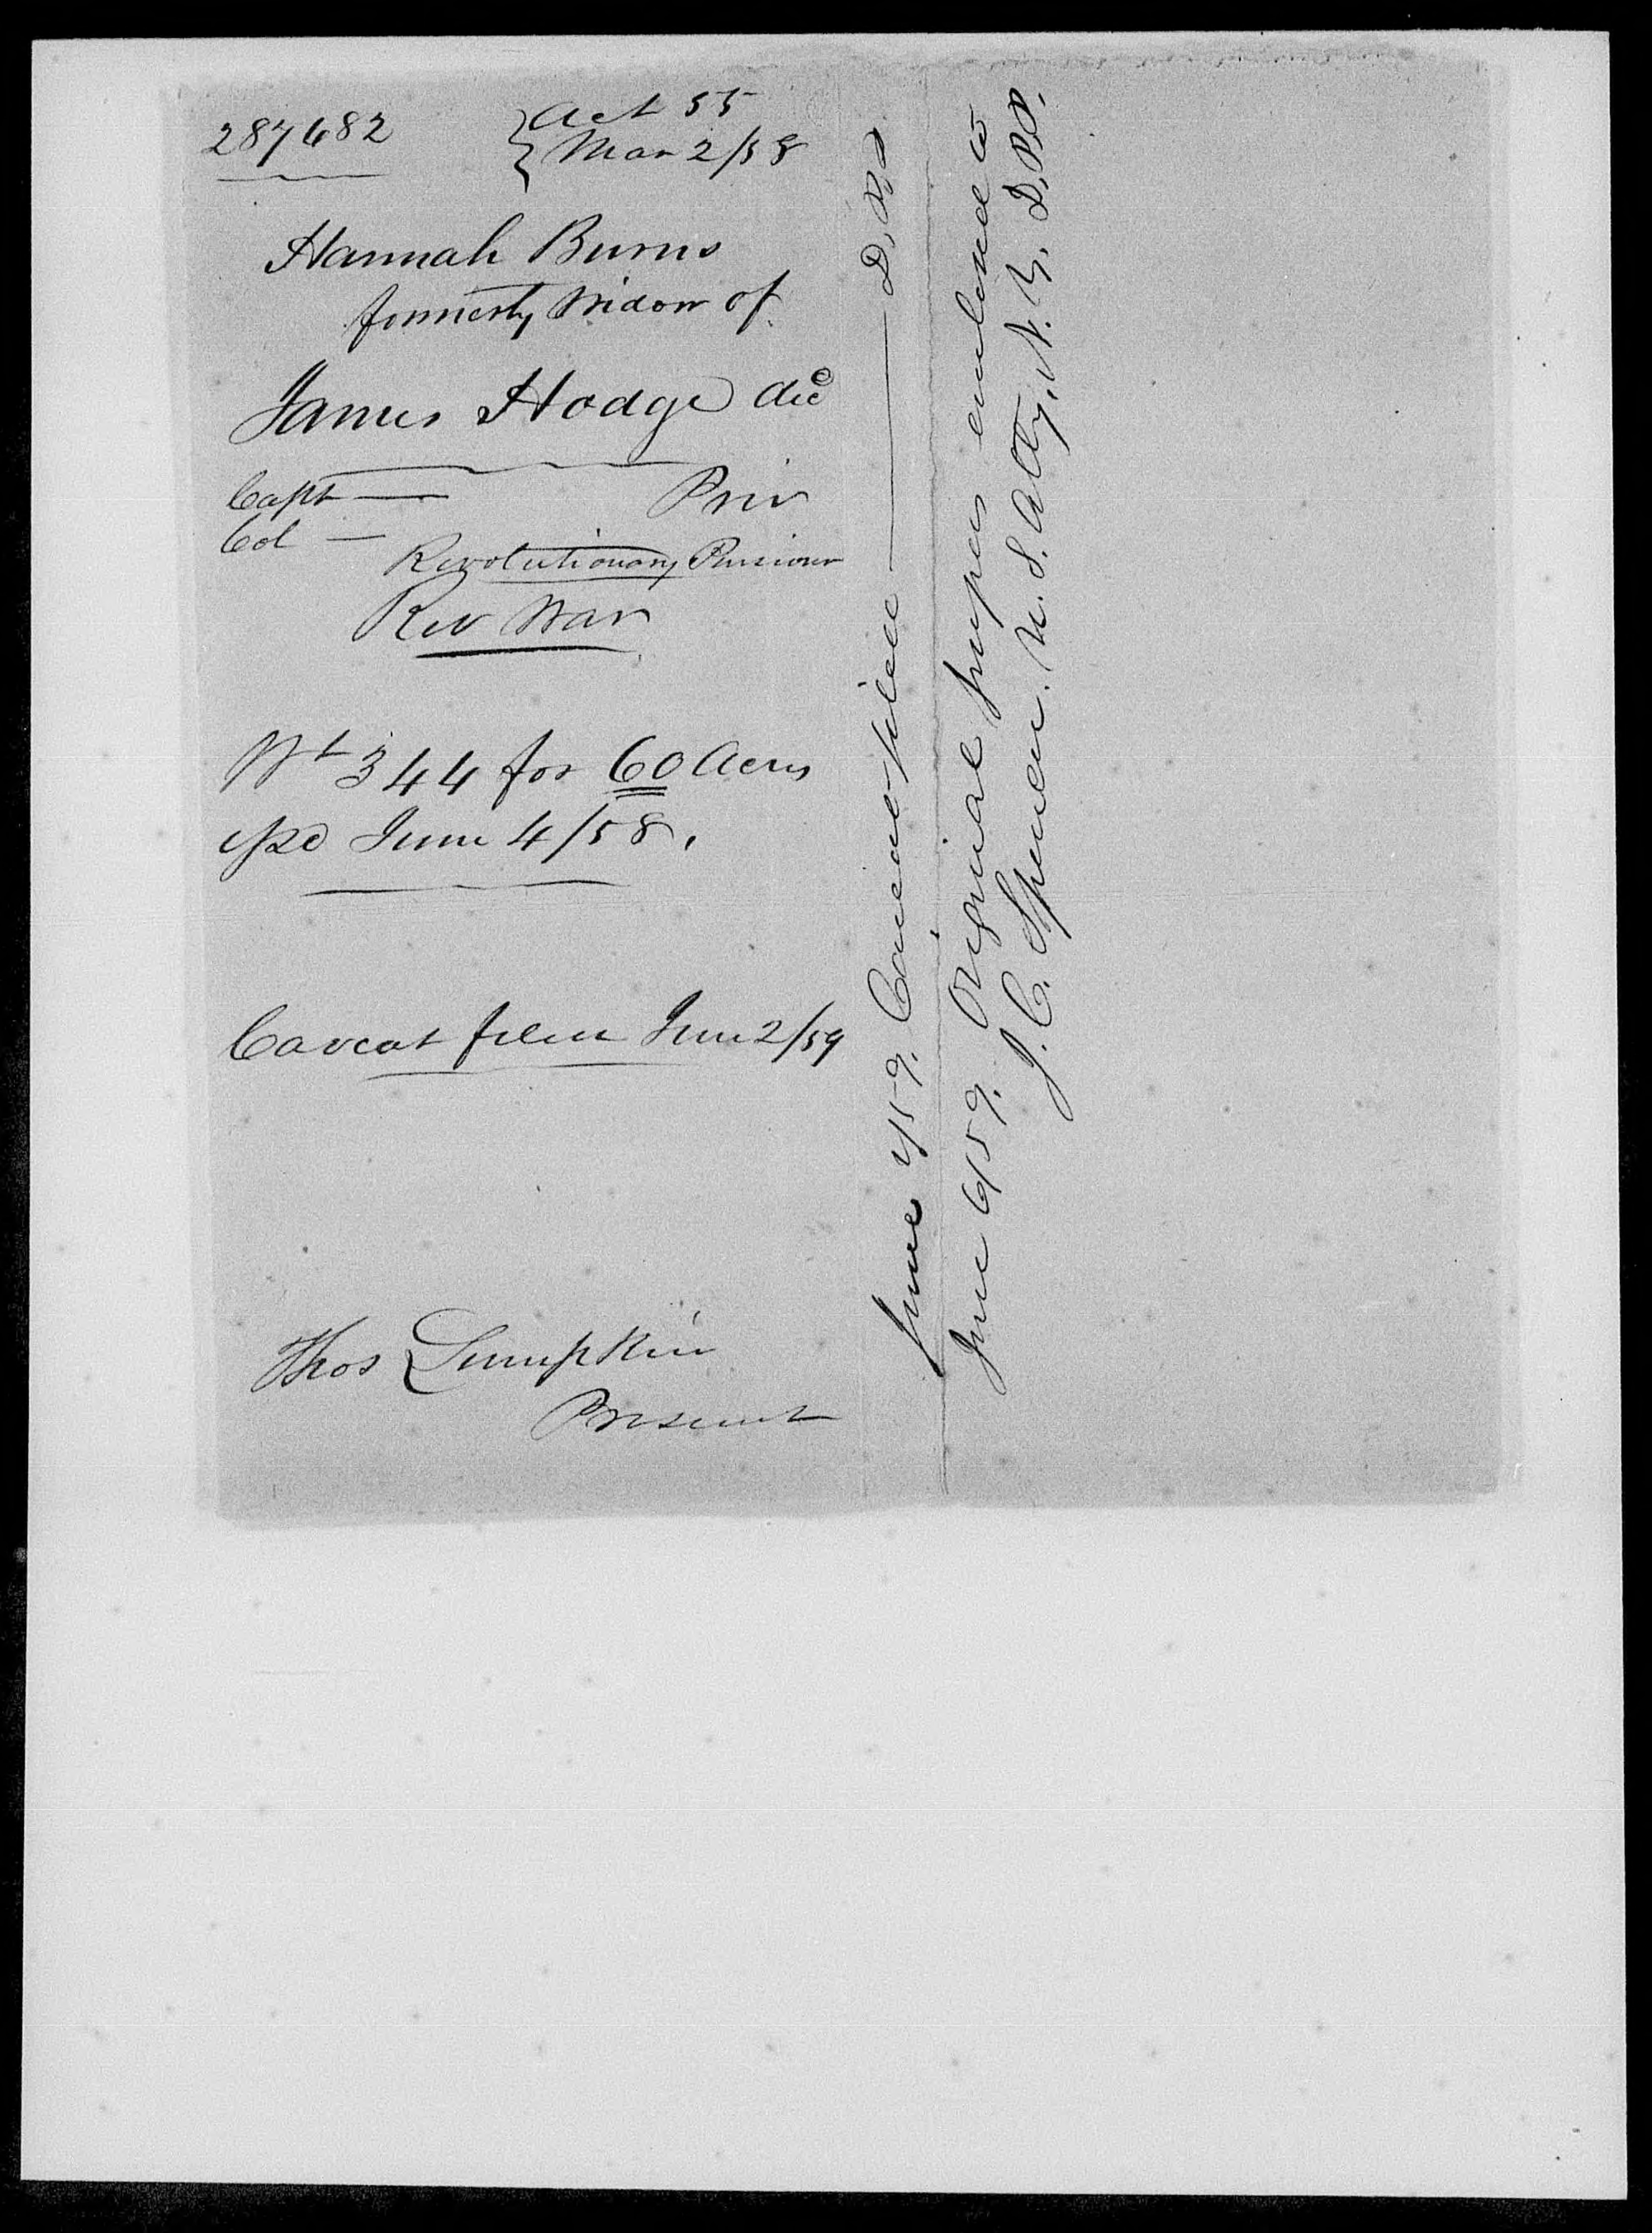287682

Act 53
Mar 2/58

Hannah Burns
formerly widow of James Hodge dic

??? _____ Pri
??? _______

Revolutionary Pensioner
Rev Man

Nth 344 for 60 acres
Po June 4/58

???? June 2/59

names: Hannah Burns, J C Spencer, Thos Lumpkin, James Hodge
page: 10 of 48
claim: widow's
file: W. 10476, James Hodge, New York